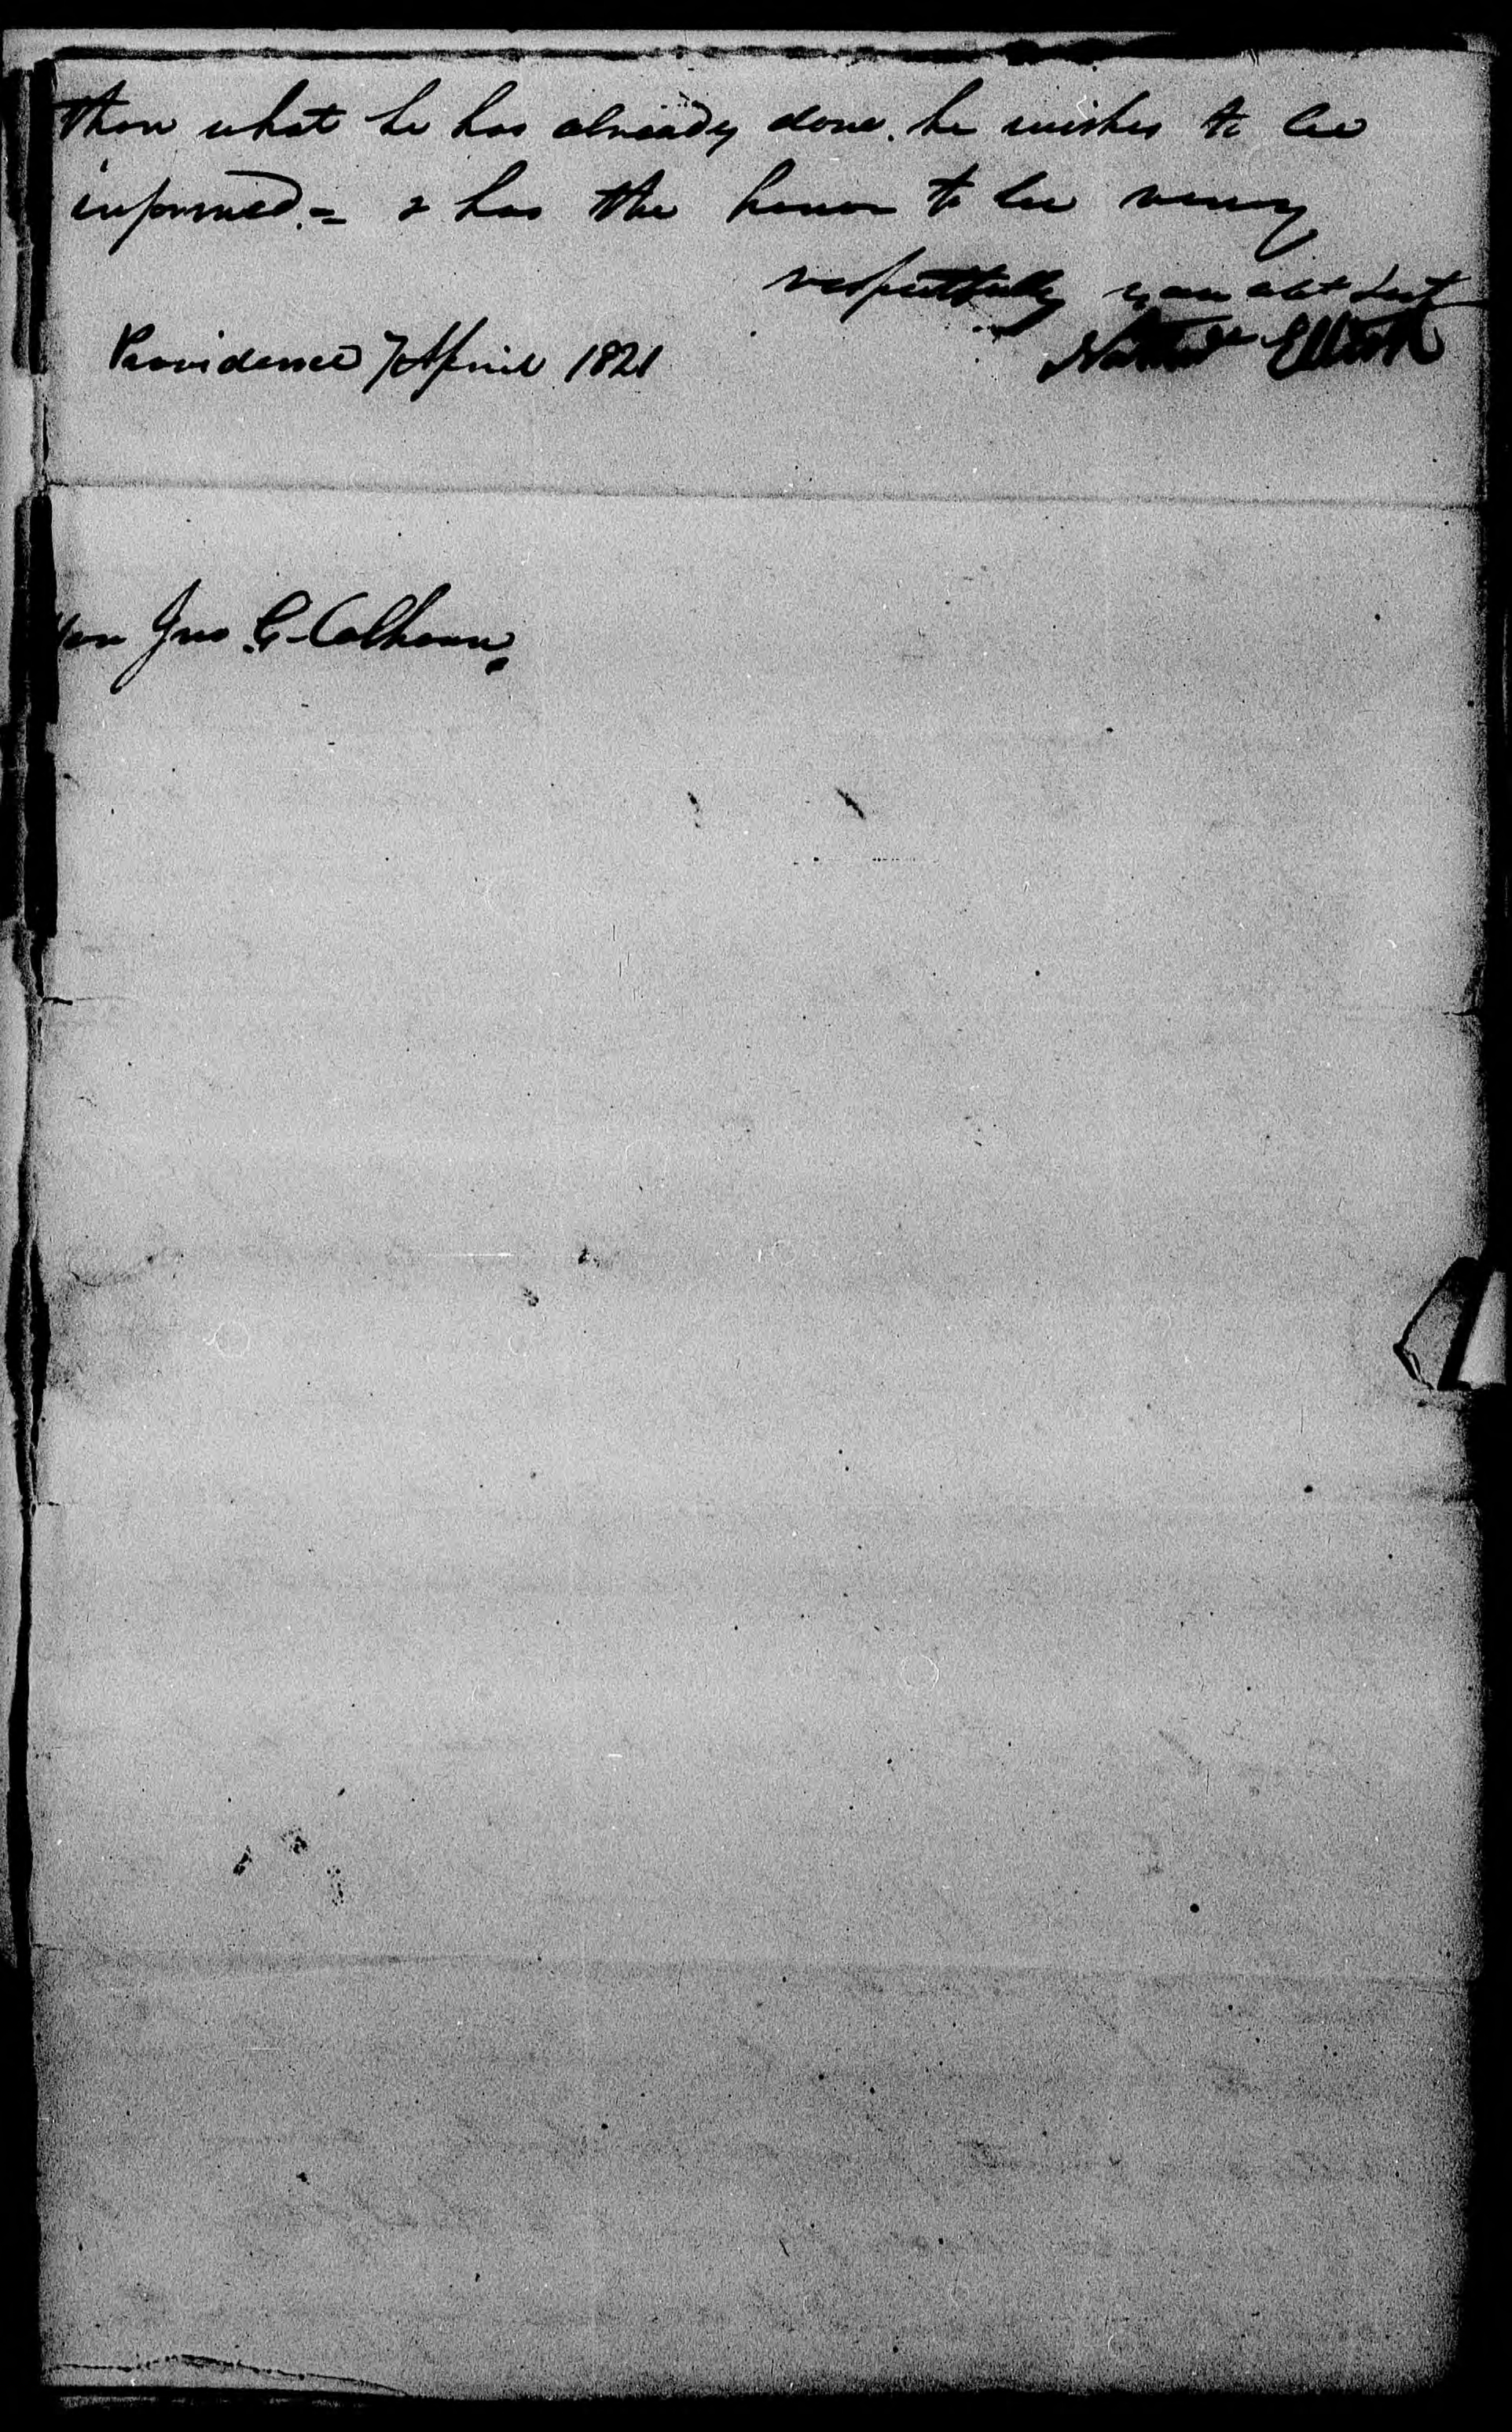than what he has already done he wishes to be informe & has the honor to be very respectfully your obt servt Nathl Elliot Providence 7 April 1821 
Hon Jno C. Calhoun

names: Jno C Calhoun, Nathl Elliot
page: 12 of 29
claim: survivor's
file: S. 38679, Nathaniel Elliot, Continental R.I.